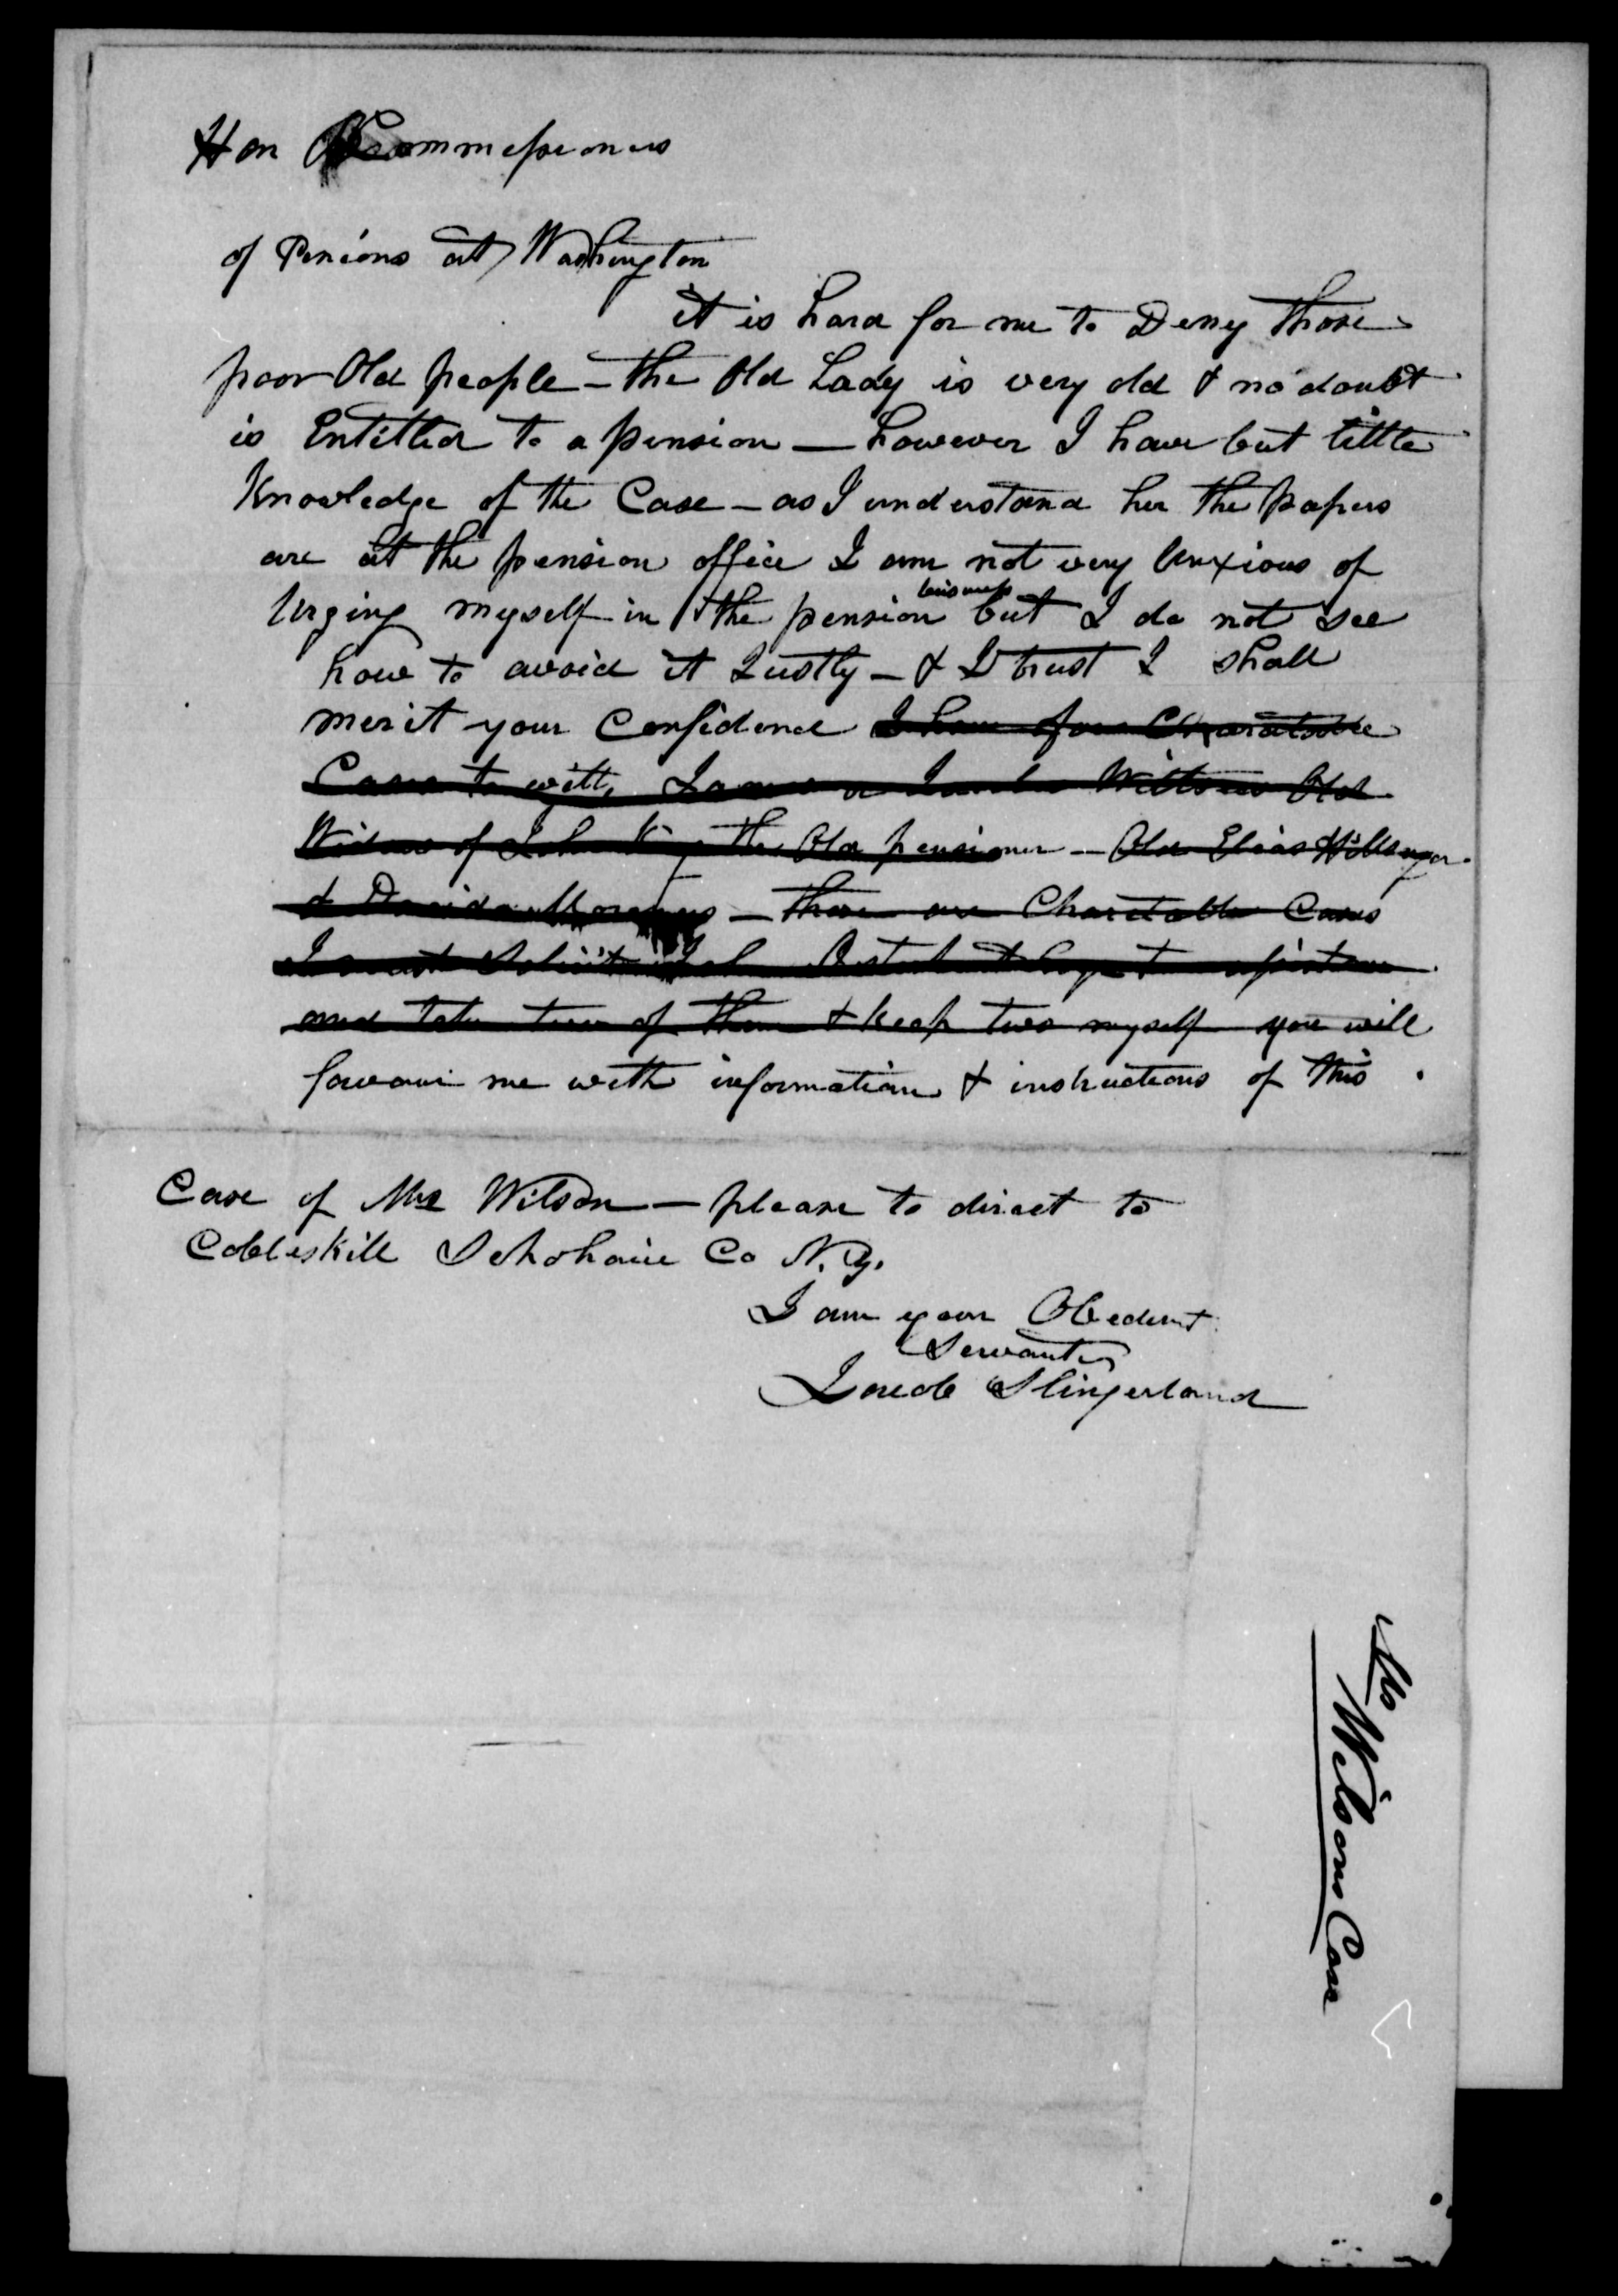Hon Commissioners
of Pensions at Washington

it is hard for me to deny those poor old people- the old Lady is very old & no doubt is entitled to a pension- however I have but little knowledge of the case- as I understand her the papers
are at the pension office I am not very anxious of urging myself in the pension business but I do not see how to avoid it justly- & I trust I shall
merit your confidence [several lines of crossed out text ] favor me with information & instructions of this 

Case of Mrs Wilson-- please to direct to
Cobleskill Schoharie Co N.Y.

I am your Obedient
Servant
Jacob Slingerland


Mrs Wilson's case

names: [BLANK] Wilson; [BLANK] Wilson; Jacob Slingerland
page: 35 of 35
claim: rejected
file: R. 9601, for John Simson, New Jersey